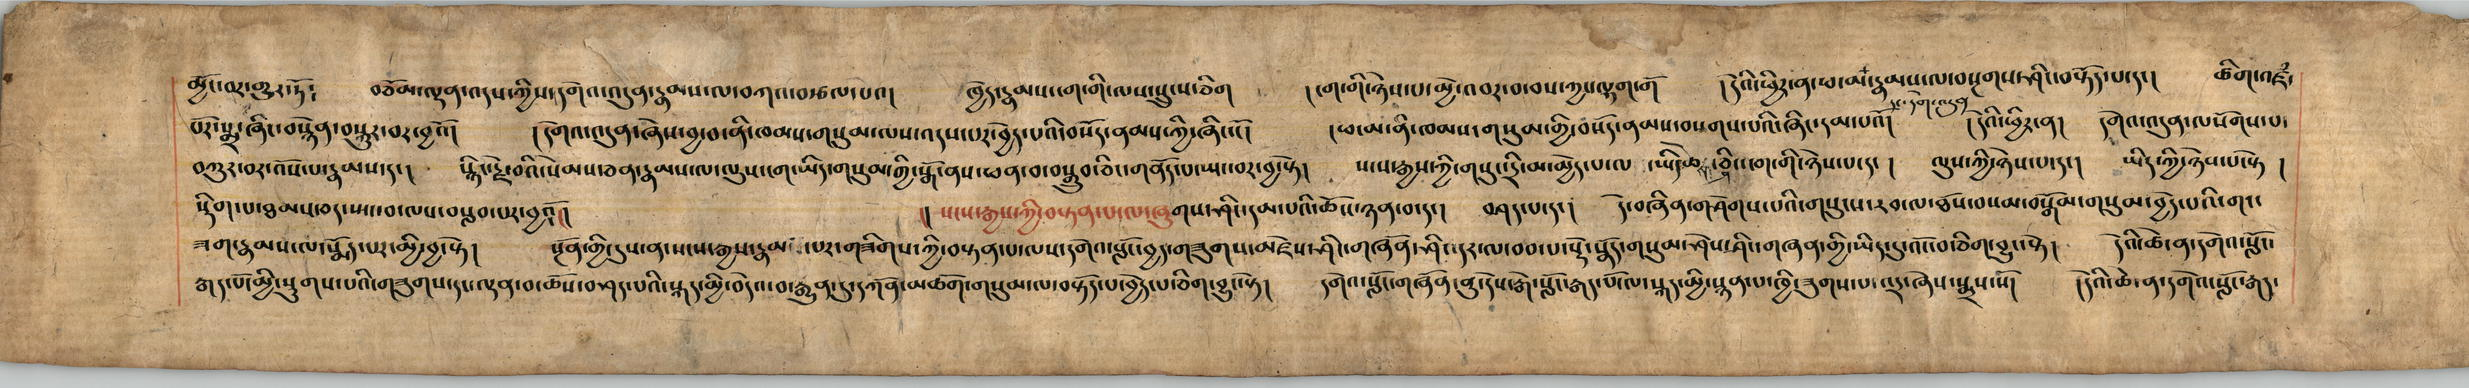མྱོང་བར་གྱུར་ཏོ༴ བཅོམ་ལྡན་འདས་ཀྱིས་དགེའ་འདུན་རྣམས་པ་ལ་བཀའ་བརྩལ་པའ། ཁྱེད་རྣམས་ངག་གི་ལས་སྲུངས་ཅིག ། ངག་གི་ཉེས་པ་མྱེ་འབར་བ་བས་ཀྱང་ལྷག་གོ ། དེའི་ཕྱིར་ན་ཕ་མ་དང་དགེ་འདུན་རྣམས་ལ་བསྔགས་ཤིང་བསྟོད་པ་དང་། ཚིག་འཇཾ་
པོར་སྨྲ་ཞིང་བསྙེན་བསྐུར་བར་བྱའོ། ། དགེའ་འདུན་ཞེས་བྱ་བ་ནི་ཁམས་གསུམ་ལས་འདས་པར་བྱེད་པའི་བསོད་ནམས་ཀྱི་ཞིང་ངོ། ། ཕ་མ་ནི་ཁམས་གསུམ་གྱི་བསོད་ནམས་བསགས་པའི་ཞིང་དམ་པའོ། ། དེའི་ཕྱིར་ན་དགེ་འདུན་ལསོགས་པ་
བཀུར་བར་འོས་པ་རྣམས་དང་། སྙིང་རྗེ་བའི་སེམས་ཅན་རྣམས་ལ་ལུས་ངག་ཡིད་གསུམ་གྱི་སྒོ་ནས་ཕན་བ་བསྒྲུབ་ཅིང་གནོད་པ་སྤང་བར་བྱ་སྟེ། སངས་རྒྱས་ཀྱི་གསུངས་དྲི་མ་མྱེད་པ་ལ་ ཡིད་ཆེས་ཤིང་ངག་གི་ཉེས་པ་དང། ལུས་ཀྱི་ཉེས་པ་དང། ཡིད་ཀྱི་ཉེས་པ་སྟེ །
སྡིག་པ་ཐམས་ཅད་ཡང་བ་ལས་བསླབ་པར་བྱའོ།། །། སངས་རྒྱས་ཀྱི་བསྟན་པ་ལ་ཞུགས་ཤིང་དམ་པའི་ཆོས་ཉན་བ་དང། བཤད་པ་དང། དེ་བཞིན་གཤེགས་པའི་གསུངས་རབ་ལ་ཐོས་བསམ་བསྒོམ་གསུམ་བྱེད་པའོ་གང་
ཟག་རྣམས་ལ་སྨོད་པར་མྱི་བྱ་སྟེ། སྔོན་གྱི་དུས་ན་སངས་རྒྱས་རྣམས་པར་གཟིགས་ཀྱི་བསྟན་པ་ལས་དགེའ་སློང་བྱད་གཟུགས་མཛེས་ཤིང་གཞོན་ཤིང་དར་ལ་བབ་པ་སྡེ་སྣོད་གསུམ་ཤེས་ཤིང་གཞན་གྱི་ཡིད་དུ་འོང་བ་ཅིག་བྱུང་སྟེ། དེའི་ཚེ་ན་དགེའ་སློང་
རྒད་པོ་མྱི་སྡུགས་པའི་གཟུགས་དང་ལྡན་བ་ཆོས་བཤད་པའི་སྐད་མྱི་བདེའ་བ་རྒྱུན་དུ་དཀོན་མཆོག་གསུམ་ལ་བསྟོད་པ་བྱེད་པ་ཅིག་བྱུང་སྟེ་དགེའ་སློང་གཞོན་ནུ་དེས་རྒེ་སློང་རྒད་པོ་ལ་སྐད་མྱི་སྙན་པ་ཁྱི་ཟུགས་པ་འདྲ་ཞེས་སྨྲས་སོ། །དེའི་ཚེ་ན་དགེའ་སློང་རྒད་